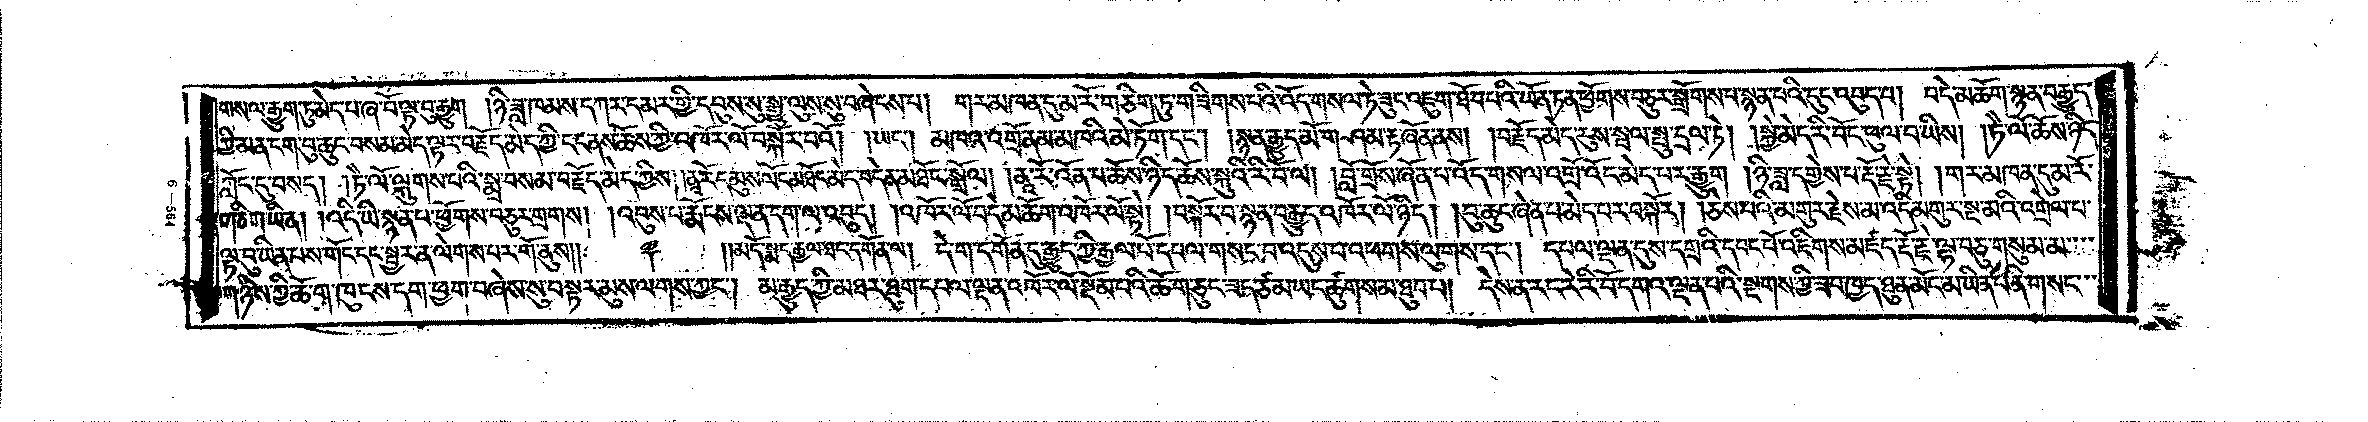གསལ་རྒྱུག་ཏུ་མེད་པ་ཞ་བོ་ལྟ་བུ་རྒྱུག །ཉི་ཟླ་ཁམས་དཀར་དམར་གྱི་དབུས་སུ་སྒྱུ་ལུས་སུ་བཞེངས་པ། གར་མཁན་དུ་མ་རོ་གཅིག་ཏུ་གཟིགས་པའི་འོད་གསལ་ཏེ་ཟུང་འཇུག་ཐོབ་པའི་ཡོན་ཏན་ཕྱོགས་བཅུར་སྒྲོགས་པ་སྙན་པའི་དུང་འབུད་བ། བདེ་མཆོག་སྙན་བརྒྱུད་
ཀྱི་མན་ངག་བུ་ཆུང་བསམ་མེད་ལྟར་བརྗོད་མེད་ཀྱི་ངང་ནས་ཆོས་ཀྱི་འཁོར་ལོ་བསྐོར་བའོ། །ཡང་། མཁའ་འགྲོ་ནམ་མཁའི་མེ་ཏོག་དང་། །སྙན་རྒྱུད་མོ་གཤམ་རྟ་ཞོན་ནས། །བརྗོད་མེད་རུས་སྦལ་སྤུ་དྲལ་ཏེ། །སྐྱེ་མེད་རི་བོང་ཕུལ་བ་ཡིས། །ཏཻ་ལོ་ཆོས་ཉིད་
ཀློང་དུ་བསད། །ཏཻ་ལོ་ཀླུགས་པའི་སྨྲ་བསམ་བརྗོད་མེད་ཀྱིས། །ནཱ་རོ་དམུས་ལོང་མཐོང་མེད་བདེན་མཐོང་སྒྲོལ། །ནཱ་རོ་འོན་པ་ཆོས་ཉིད་ཆོས་སྐུའི་རི་བོ་ལ། །བློ་གྲོས་ཞོན་པ་འོད་གསལ་འགྲོ་འོང་མེད་པར་རྒྱུག །ཉི་ཟླ་དགྱེས་པ་རྡོ་རྗེ་སྟེ། །གར་མཁན་དུ་མ་རོ་
གཅིག་ཡིན། །འདི་ཡི་སྙན་པ་ཕྱོགས་བཅུར་གྲགས། །འབུས་པ་རྨོངས་ལྡན་དག་ལ་འབུད། །འཁོར་ལོ་བདེ་མཆོག་འཁོར་ལོ་སྟེ། །བསྐོར་བ་སྙན་བརྒྱུད་འཁོར་ལོ་ཉིད། །བུ་ཆུང་ཞེན་པ་མེད་པར་བསྐོར། །ཅེས་པའི་མགུར་རྗེས་མ་འདི་མགུར་སྔ་མའི་འགྲེལ་པ་
ལྟ་བུ་ཡིན་པས་གོང་དང་སྦྱར་ན་ལེགས་པར་གོ་ནུས།། ༈ །།མདོ་སྨད་རྒྱལ་ཐང་དགོན་ལ།  དེ་ག་དགོན་དུ་རྒྱུད་ཀྱི་རྒྱལ་པོ་དཔལ་གསང་བ་འདུས་པ་འཕགས་ལུགས་དང་། དཔལ་ལྡན་དུས་དགྲའི་དབང་པོ་འཇིགས་མཛད་རྡོ་རྗེ་ལྷ་བཅུ་གསུམ་མ་
གཉིས་ཀྱི་ཆོ་ག་ཁུངས་དག་ཕྱག་བཞེས་སུ་བསྟར་མུས་ལགས་ཀྱང་། མ་རྒྱུད་ཀྱི་མཐར་ཐུག་དཔལ་ལྡན་འཁོར་ལོ་སྡོམ་པའི་ཆོ་ག་ཅུང་ཟད་ཙམ་ཡང་ཚུགས་མ་ཐུབ་པ། དེས་ན་རང་རེ་རི་བོ་དགའ་ལྡན་པའི་སྔགས་ཀྱི་ཟབ་ཁྱད་ཐུན་མོང་མ་ཡིན་པ་ནི་གསང་